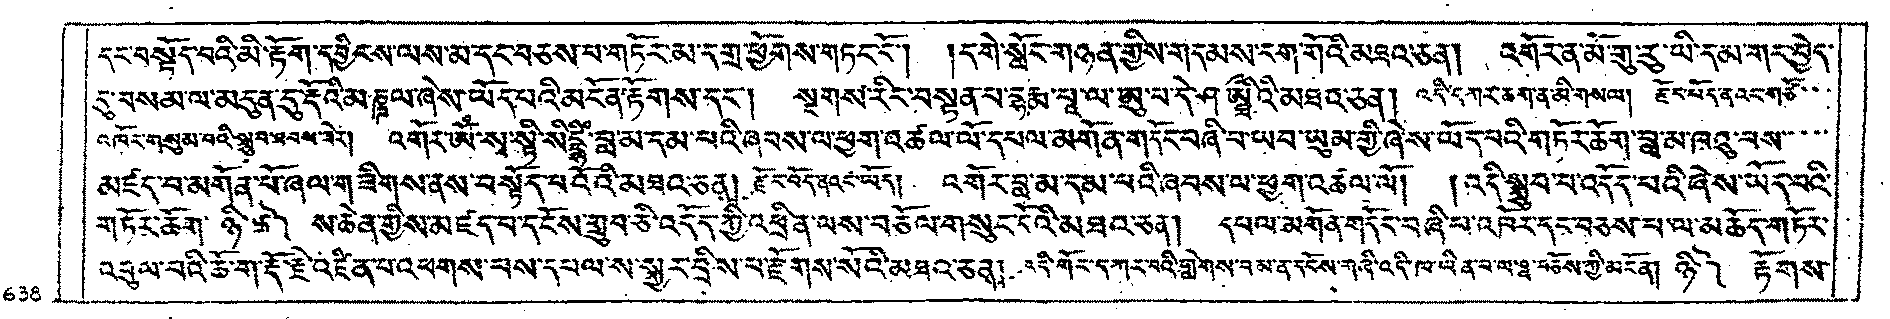དང་བསྟོད་པའི་མི་རྟོག་དབྱིངས་ལས་མ་དང་བཅས་པ་གཏོར་མ་དགྲ་ཕྱོགས་གཏང་ངོ། །དགེ་སློང་གཉན་གྱིས་གདམས་ངག་གོའི་མཐའ་ཅན། འགོར་ན་མོ་གུ་རུ་ཡི་དམ་གང་བྱེད་
དུ་བསམ་ལ་མདུན་དུ་རྡོའི་མཎྜལ་ཞེས་ཡོད་པའི་མངོན་རྟོགས་དང་། སྔགས་རིང་བསྟན་པ་དྷརྨ་པཱ་ལ་ཨུ་པ་དེ་ཤ་ཨྀཐིའི་མཐའ་ཅན། འདི་དཀར་ཆག་ན་མི་གསལ། རྫོང་པོད་ནའང་གཙོ་
འཁོར་གསུམ་པའི་སྒྲུབ་ཐབས་ཟེར། འགོར་ཨོཾ་སྭ་སྟི་སིདྡྷིཾ་བླ་མ་དམ་པའི་ཞབས་ལ་ཕྱག་འཚལ་ལོ་དཔལ་མགོན་གདོང་བཞི་པ་ཡབ་ཡུམ་གྱི་ཞེས་ཡོད་པའི་གཏོར་ཆོག་བླ་མ་ཁའུ་པས་
མཛད་པ་མགོན་པོ་ཞལ་གཟིགས་ནས་བསྟོད་པའོའི་མཐའ་ཅན། རྫོང་པོད་ནའང་ཡོད།  འགོར་བླ་མ་དམ་པའི་ཞབས་ལ་ཕྱག་འཚལ་ལོ། །འདི་སྒྲུབ་པ་འདོད་པའི་ཞེས་ཡོད་པའི་
གཏོར་ཆོག་ཉི~྾?་ས་ཆེན་གྱིས་མཛད་པ་དངོས་གྲུབ་ཅི་འདོད་ཀྱི་འཕྲིན་ལས་བཅོལ་གསུང་ངོའི་མཐའ་ཅན། དཔལ་མགོན་གདོང་བཞི་པ་འཁོར་དང་བཅས་པ་ལ་མཆོད་གཏོར་
འབུལ་བའི་ཆོ་ག་རྡོ་རྗེ་འཛིན་པ་འཕགས་པས་དཔལ་ས་སྐྱར་བྲིས་པ་རྫོགས་སོའི་མཐའ་ཅན། འདི་གོང་དཀར་བའི་གླེགས་བམ་ན་དངོས་གཞི་འདི་ཁ་ཡིན་པ་ལ་བླ་བཅོས་ཀྱི་མངོན།  ཉ྄ི་རྟོགས་